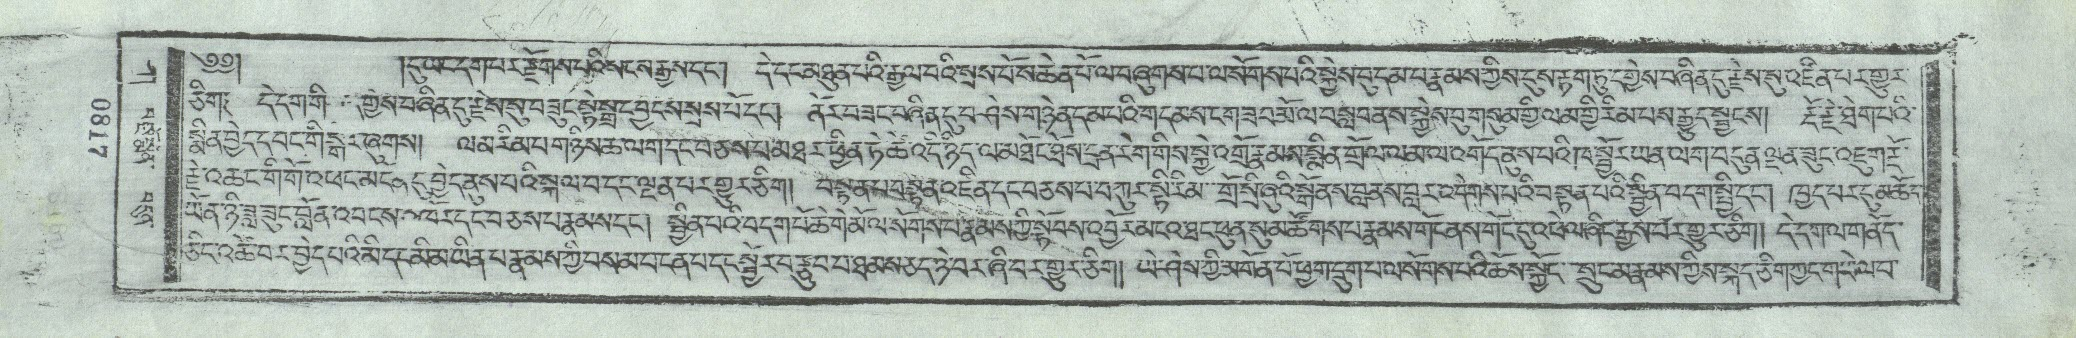༄༅། །དུ་ཡང་དག་པར་རྫོགས་པའི་སངས་རྒྱས་དང་། དེ་དང་མཐུན་པའི་རྒྱལ་བའི་སྲས་པོས་ཆེན་པོ་ལ་བཞུགས་པ་ལ་སོགས་པའི་སྐྱེས་བུ་དམ་པ་རྣམས་ཀྱིས་དུས་རྟག་ཏུ་དགྱེས་བཞིན་དུ་རྗེས་སུ་འཛིན་པར་བྱུང་
ཅིག། དེ་དག་གིས་དགྱེས་བཞིན་དུ་རྗེས་སུ་བཟུང་སྟེ་སྒྲ་དབྱངས་སྲས་པོ་དང་། ནོར་བཟང་བཞིན་དུ་བཤེས་གཉེན་དམ་པའི་གདམས་ངག་ཟབ་མོ་ལ་བསླབ་ནས་སྐྱེས་སུ་གསུམ་གྱི་ལམ་གྱི་རིམ་པར་རྒྱུད་སྦྱངས། རྡོ་རྗེ་ཐེག་པའི་
སྨིན་བྱེད་དབང་གི་སྒྲར་ཞུགས། ལམ་རིམ་པ་གཉིས་ཆ་ལག་དང་བཅས་པ་མཐར་ཕྱིན་ཏེ་ཚེ་འདི་ཉིད་ལ་མཐོང་ཐོས་དྲན་རེག་གིས་སྐྱེ་འགྲོ་རྣམས་སྨིན་གྲོལ་ལམ་ལ་འགོད་ནུས་པའི་ཁ་སྦྱོར་ཡན་ལག་བདུན་ལྡན་ཟུང་འཇུག་རྡོ?
རྗེ་འཆང་གི་གོ་འཕང་མངོན་དུ་བྱེད་ནུས་པའི་སྐལ་བ་དང་ལྡན་པར་གྱུར་ཅིག །བསྟན་པ་བསྟན་འཛིན་དང་བཅས་པ་བཀུར་སྟི་རིམ་གྲོ་སྲི་ཞུའི་སྒོ་ནས་བླ་ནས་བླར་འདེགས་པའི་བསྟན་པའི་སྦྱིན་བདག་སྤྱི་དང་། ཁྱད་པར་དཱུ?་མ་རོད?
ཡོན་ཉི་ཟླ་ཟུང་བློན་འབངས་འཁོར་དང་བཅས་པ་རྣམས་དང་། སྦྱིན་པའི་བདག་པོ་ཆེ་གེ་མོ་ལ་སོགས་པ་རྣམས་ཀྱི་སྟོབས་འབྱོར་མངའ་ཐང་ཕུན་སུམ་ཚོགས་པ་རྣམས་གོང་ནས་གོང་དུ་འཕེལ་ཞིང་རྒྱས་པར་གྱུར་ཅིག །དེ་དག་ལ་གནོད་
ཅིང་འཚེ་བར་བྱེད་པའི་མི་དང་མི་མ་ཡིན་པ་རྣམས་ཀྱི་བསམ་པ་ངན་པ་དང་སྦྱོར་བ་རྩུབ་པ་ཐམས་ཅད་ཉེ་བར་ཞི་བར་གྱུར་ཅིག །ཡེ་ཤེས་ཀྱི་མགོན་པོ་ཕྱག་དྲུག་པ་ལ་སོགས་པའི་ཆོས་སྐྱོང་སྲུང་མ་རྣམས་ཀྱིས་སྐད་ཅིག་ཀྱང་གཡེལ་བ་